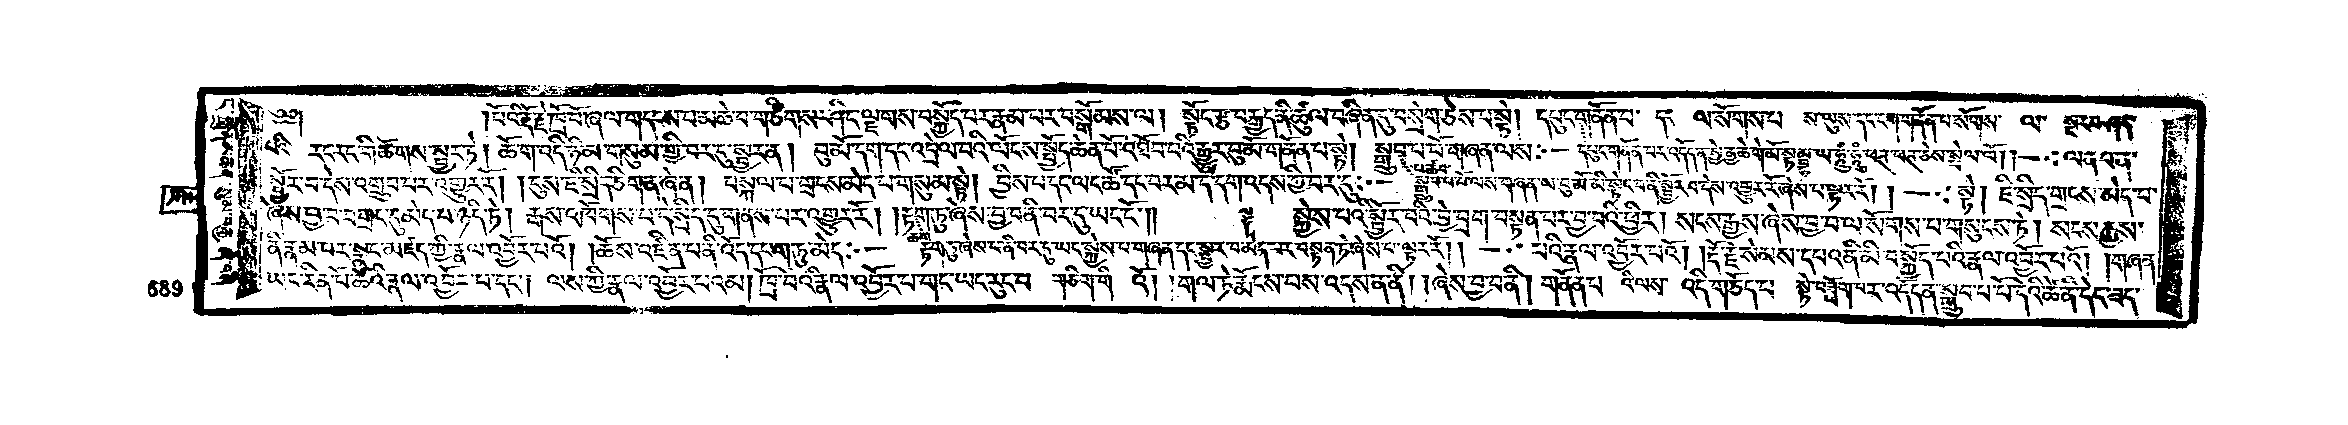༄༅། །པོའི་རྡོ་རྗེ་ཁྲོ་བོ་ཞལ་གདངས་པ་མཆེ་བ་གཙིགས་ཤིང་ལྗགས་བསྐྱོད་པར་རྣམ་པར་བསྒོམས་ལ། སྟོང་རྩ་བརྒྱད་ནི་ཚུལ་བཞིན་དུ་བསྲེག་ཅེས་པ་སྟེ། དཔུང་གནོན་པ་དང་ལ་སོགས་པས་ལུས་དང་ངག་གནོན་པ་སོགས་ལ་སྔར་བཤད་
པའི་རང་རང་གི་ཆོ་གས་སྦྱར་ཏེ། ཆོ་ག་འདི་ཉི་མ་གསུམ་གྱི་བར་དུ་སྦྱར་ན། བུ་མེ་དག་དང་འབྲེལ་བའི་ལོངས་སྤྱོད་ཆེན་པོ་འཐོབ་པའི་རྒྱུར་བུ་མོ་གནོན་པ་སྟེ། སྒྲུབ་པ་པོ་གཞན་ལས་H.་དཔུང་གནོན་པར་འདོད་ན་སྱེ་ནྱ་ཆེ་གེ་མོ་སྟམྦྷ་ཡ་ཧཱུཾ་ཧཱུཾ་ཕཊ་ཕཊ་ཅེས་སྤེལ་ལོ།། .H ལེན་པ་ནི་
སྦྱོར་བ་དེས་འགྲུབ་པར་འགྱུར་རོ། །དུས་ཇི་སྲིད་ཅིག་ན་ཞེ་ན། བསྐལ་པ་གྲངས་མེད་པ་གསུམ་སྟེ། བྱིས་པ་དང་ལང་ཚོ་དང་བར་མ་དེ་དག་འདས་ཀྱི་བར་དུ་H.་པ་ཚབ་སྒྲུབ་པ་པོ་ལས་གཞན་ལ་བུ་མོ་མི་སྟེར་བ་ནི་སྦྱོར་བ་དེས་འགྱུར་རོ་ཞེས་པ་ལྟར་རོ། ། .H སྟེ། ཇི་སྲིད་གྲངས་མེད་པ་
ཞེས་བྱ་བ་བགྲང་དུ་མེད་པ་ཉིད་ཏེ། རྒས་འཁོགས་པ་དེ་སྲིད་དུ་གནས་པར་འགྱུར་རོ། །རྟག་ཏུ་ཞེས་བྱ་བ་ནི་བར་དུ་ཡང་ངོ།། ༈ སྐྱེས་པའི་སྦྱོར་བའི་བྱེ་བྲག་བསྟན་པར་བྱ་བའི་ཕྱིར། སངས་རྒྱས་ཞེས་བྱ་བ་ལ་སོགས་པ་གསུངས་ཏེ། སངས་རྒྱས་
ནི་རྣམ་པར་སྣང་མཛད་ཀྱི་རྣལ་འབྱོར་པའོ། །ཆོས་འཛིན་པ་ནི་འོད་དཔག་ཏུ་མེད་H.་ཆག་རྟག་ཏུ་ཞེས་པ་ནི་བར་དུ་ཡང་སྐྱེས་པ་གཞན་དང་སྦྱར་བ་མེད་པར་བསྟན་ཏེ་ཞེས་པ་ལྟར་རོ།། .H པའི་རྣལ་འབྱོར་པའོ། །རྡོ་རྗེ་སེམས་དཔའ་ནི་མི་བསྐྱོད་པའི་རྣལ་འབྱོར་པའོ། །གཞན་
ཡང་རིན་པོ་ཆེའི་རྣལ་འབྱོར་པ་དང་། ལས་ཀྱི་རྣལ་འབྱོར་པའམ། ཁྲོ་བོའི་རྣལ་འབྱོར་པ་གང་ཡང་རུང་བ་གཅིག་གི་འོ། །གལ་ཏེ་རྨོངས་པས་འདས་ན་ནི། །ཞེས་བྱ་བ་ནི། གནོན་པའི་ལས་འདི་གཅོད་པ་སྟེ་བཟློག་པར་འདོད་ན་སྒྲུབ་པ་པོ་དེའི་ཚེ་ནི་དེར་ཟད་